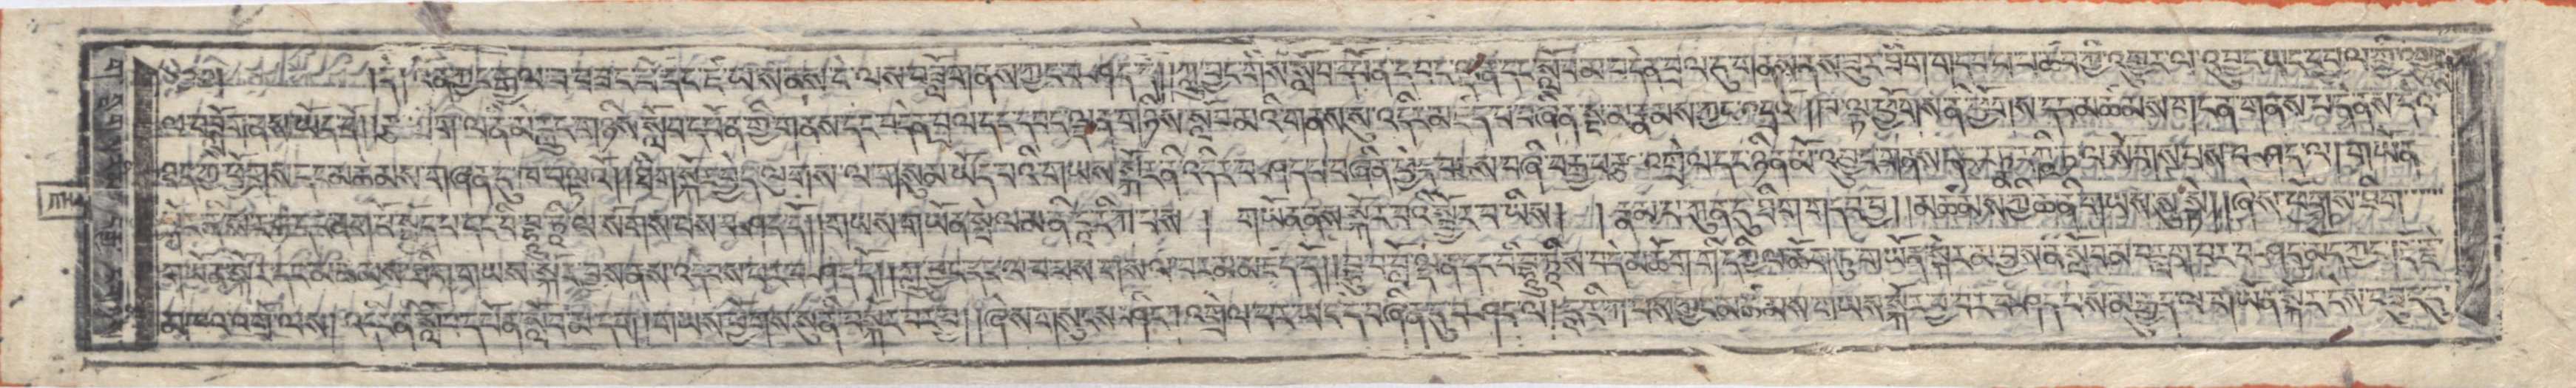༄༅། །དེ། འོན་ཀྱང་རྒྱལ་བ་བཟང་པོ་དང་ཛ་ཡ་སེ་ནས་དེ་ལས་བཟློག་ནས་ཀྱང་བཤད་དོ། །ཀླུ་བྱང་གིས་སློབ་དཔོན་དབང་ལྡན་དང་སློབ་མ་བདེན་བྲལ་དུ་གནས་ནས་ཟུར་ཐིག་གདབ་པ་པ་ཚབ་ཀྱི་འགྱུར་ལ་འབྱུང་ཡང་དཔྱལ་གྱི་འགྱུར་
ལ་བཟློག་ནས་ཡོད་དོ། །རྩ་ཐིག་ལ་ནི་མེ་རླུང་གཉིས་སློབ་དཔོན་གྱི་གནས་དང་བདེན་བྲལ་དང་དབང་ལྡན་གཉིས་སློབ་མའི་གནས་སུ་འདིར་མཛད་པ་བཞིན་སྔ་མ་རྣམས་ཀྱང་འདྲའོ། ཁ་ལྟ་ཕྱོགས་ནི་ཕྱོགས་དང་མཚམས་གང་ན་གནས་པ་དེ་ནས་དེའི་
ཐད་ཀྱི་ཕྱོགས་དང་མཚམས་གཞན་དུ་ཁ་བལྟའོ། །ཐིག་སྐོར་བྱེད་ལུགས་ལ་གསུམ་ཡོད་པའི་གཡས་སྐོར་ནི་འདིར་བཤད་པ་བཞིན་ཕྱེད་བཅས་བཞི་བརྒྱ་པ་རྩ་འགྲེལ་དང་ཉིན་མོ་འབྱུང་གནས་དང་རཏྣ་རཀྵི་ཏ་ལ་སོགས་པས་བཤད་ལ། གཡོན་
སྐོར་ནི་ས་ར་ཧ་དང་ནག་པོ་སྤྱོད་པ་དང་བི་བྷཱུ་ཏཱི་ལ་སོགས་པས་བཤད་དོ། །གཡས་གཡོན་སྤེལ་མ་ནི་དཱ་རི་ཀ་པས། གཡོན་ནས་སྐོར་བའི་སྦྱོར་བ་ཡིས། །རྣམ་པ་ཀུན་དུ་ཐིག་གདབ་བྱ། །མཚམས་ཀྱི་ཆ་ནི་གཡས་སུ་སྟེ། །ཞེས་ཕྱོགས་ཐིག་
གཡོན་སྐོར་དང་མཚམས་ཐིག་གཡས་སྐོར་བྱས་ནས་འདེབས་པར་བཤད་དོ། །ཀླུ་བྱང་དང་ལ་བ་པས་གསལ་བར་མ་མཛད་དོ། །བྷུ་བ་བློ་ལྡན་དང་བི་བྷཱུ་ཏཱིས་བདེ་མཆོག་གི་དཀྱིལ་ཆོག་ཏུ་གཡོན་སྐོར་མ་བྱས་ན་སློབ་མ་བརླག་པར་བཤད་མོད་ཀྱང་། རྡོ་རྗེ་
མཁའ་འགྲོ་ལས། འདིར་ནི་སློབ་དཔོན་སློབ་མ་དག །གཡས་ཕྱོགས་སུ་ནི་བསྐོར་བར་བྱ། །ཞེས་གསུངས་ཤིང་། འགྲེལ་པར་ཡང་དེ་བཞིན་དུ་བཤད་ལ། དཱ་རི་ཀ་པས་ཀྱང་མཚམས་གཡས་སྐོར་བྱ་བར་བཤད་པས་མ་རྒྱུད་ལ་གཡོན་སྐོར་ངེས་བཟུང་དུ་